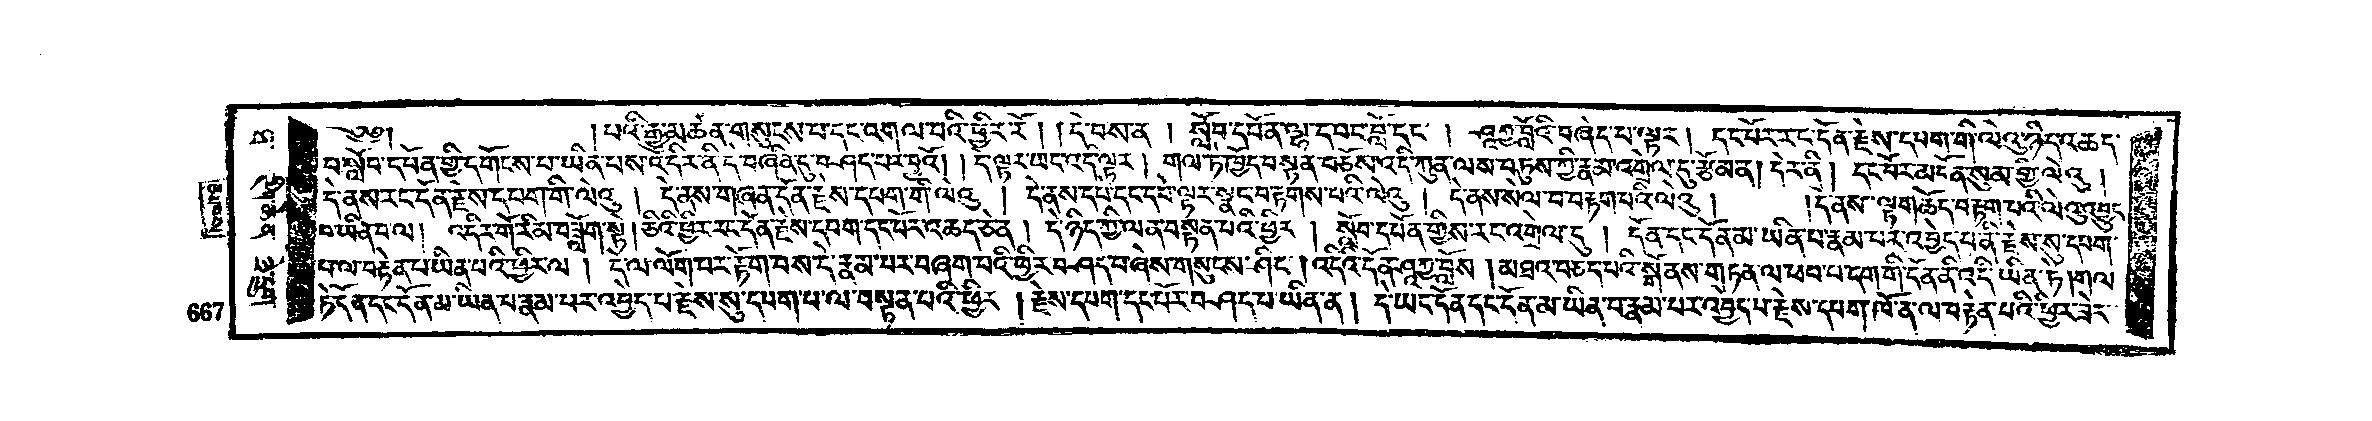༄༅། །པའི་རྒྱུ་མཚན་གསུངས་པ་དང་འགལ་བའི་ཕྱིར་རོ། །དེ་བས་ན། སློབ་དཔོན་ལྷ་དབང་བློ་དང་། ཤཱཀྱ་བློའི་བཞེད་པ་ལྟར། དང་པོར་རང་དོན་རྗེས་དཔག་གི་ལེའུ་ཉིད་འཆད་
པ་སློབ་དཔོན་གྱི་དགོངས་པ་ཡིན་པས་འདིར་ནི་དེ་བཞིན་དུ་བཤད་པར་བྱའོ། །དེ་ལྟར་ཡང་འདི་ལྟར། གལ་ཏེ་ཁྱོད་བསྟན་བཅོས་འདི་ཀུན་ལས་བཏུས་ཀྱི་རྣམ་འགྲེལ་དུ་རྩོམ་ན། དེར་ནི། དང་པོར་མངོན་སུམ་གྱི་ལེའུ།
དེ་ནས་རང་དོན་རྗེས་དཔག་གི་ལེའུ། དེ་ནས་གཞན་དོན་རྗེས་དཔག་གི་ལེའུ། དེ་ནས་དཔེ་དང་དཔེ་ལྟར་སྣང་བ་རྟགས་པའི་ལེའུ། དེ་ནས་སེལ་བ་བརྟག་པའི་ལེའུ། །དེ་ནས་ལྟག་ཆོད་བརྟག་པའི་ལེའུ་འབྱུང་
བ་ཡིན་པ་ལ། འདིར་གོ་རིམ་བཟློག་སྟེ། ཅིའི་ཕྱིར་རང་དོན་རྗེས་དཔག་དང་པོར་འཆད་ཅེ་ན། དེ་ཉིད་ཀྱི་ལན་བསྟན་པའི་ཕྱིར། སློབ་དཔོན་གྱིས་རང་འགྲེལ་དུ། དོན་དང་དོན་མ་ཡིན་པ་རྣམ་པར་འབྱེད་པ་ནི་རྗེས་སུ་དཔག་
པ་ལ་བརྟེན་པ་ཡིན་པའི་ཕྱིར་ལ། དེ་ལ་ལོག་པར་རྟོག་པས་དེ་རྣམ་པར་བཞག་པའི་ཕྱིར་བཤད་པ་ཞེས་གསུངས་ཤིང་། འདིའི་དོན་ཤཱཀྱ་བློས། མཐའ་བཅད་པའི་སྒོ་ནས་གཏན་ལ་ཕབ་པ་དག་གི་དོན་ནི་འདི་ཡིན་ཏེ། གལ་
ཏེ་དོན་དང་དོན་མ་ཡིན་པ་རྣམ་པར་འབྱེད་པ་རྗེས་སུ་དཔག་པ་ལ་བསྟན་པའི་ཕྱིར། རྗེས་དཔག་དང་པོར་བཤད་པ་ཡིན་ན། དེ་ཡང་དོན་དང་དོན་མ་ཡིན་པ་རྣམ་པར་འབྱེད་པ་རྗེས་དཔག་ཁོ་ན་ལ་བརྟེན་པའི་ཕྱིར་ཟེར་